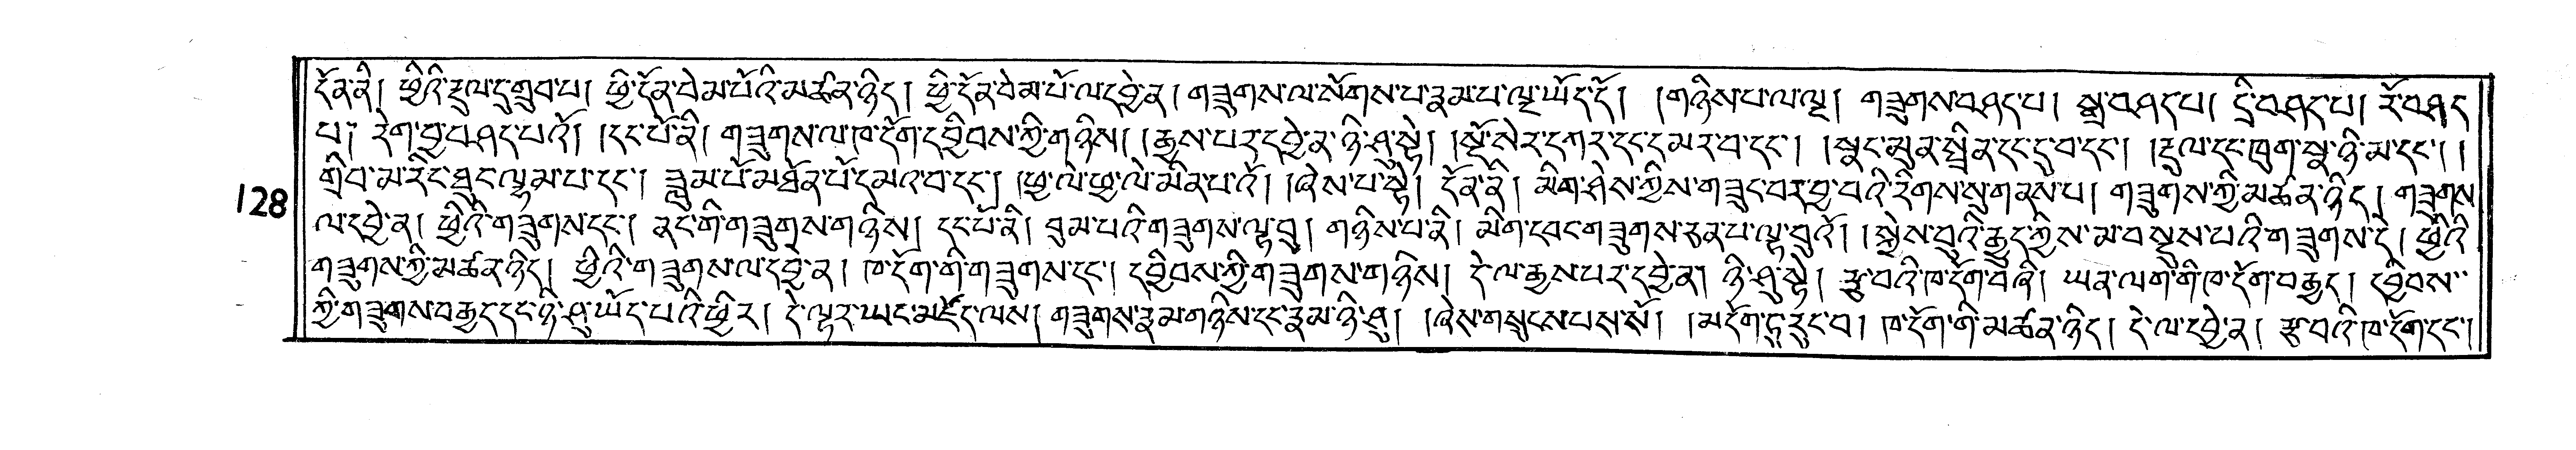དོན་ནི། ཕྱིའི་རྡུལ་དུ་གྲུབ་པ། ཕྱི་དོན་བེམ་པོའི་མཚན་ཉིད། ཕྱི་དོན་བེམ་པོ་ལ་དབྱེ་ན། གཟུགས་ལ་སོགས་པ་རྣམ་པ་ལྔ་ཡོད་དོ། །གཉིས་པ་ལ་ལྔ། གཟུགས་བཤད་པ། སྒྲ་བཤད་པ། དྲི་བཤད་པ། རོ་བཤད་
པ༑ རེག་བྱ་བཤད་པའོ། །དང་པོ་ནི། གཟུགས་ལ་ཁ་དོག་དབྱིབས་ཀྱི་གཉིས། །རྒྱས་པར་དབྱེ་ན་ཉི་ཤུ་སྟེ། །སྡོ་སེར་དཀར་དང་དམར་བ་དང་། །སྣང་མུན་སྤྲིན་དང་དུ་བ་དང་། །རྡུལ་དང་ཁུག་སྣ་ཉི་མ་དང་། །
གྲིབ་མ་རིང་ཐུང་ལྷམ་པ་དང་། ཟླུམ་པོ་མཐོན་པོ་དམའ་བ་དང་། །ཕྱ་ལེ་ཕྱ་ལེ་མིན་པའོ། །ཞེས་པ་སྟེ། དོན་ནི། མིག་ཤེས་ཀྱིས་གཟུང་བར་བྱ་བའི་རིགས་སུ་གནས་པ། གཟུགས་ཀྱི་མཚན་ཉིད། གཟུགས་
ལ་དབྱེ་ན། ཕྱིའི་གཟུགས་དང་། ནང་གི་གཟུགས་གཉིས། དང་པོ་ནི། བུམ་པའི་གཟུགས་ལྟ་བུ། གཉིས་པ་ནི། མིག་དབང་གཟུགས་ཅན་པ་ལྟ་བུའོ། །སྐྱེས་བུའི་རྒྱུད་ཀྱིས་མ་བསྡུས་པའི་གཟུགས་དེ། ཕྱིའི་
གཟུགས་ཀྱི་མཚན་ཉིད། ཕྱིའི་གཟུགས་ལ་དབྱེ་ན། ཁ་དོག་གི་གཟུགས་དང་། དབྱིབས་ཀྱི་གཟུགས་གཉིས། དེ་ལ་རྒྱས་པར་དབྱེ་ན། ཉི་ཤུ་སྟེ། རྩ་བའི་ཁ་དོག་བཞི། ཡན་ལག་གི་ཁ་དོག་བརྒྱད། དབྱིབས་
ཀྱི་གཟུགས་བརྒྱད་དང་ཉི་ཤུ་ཡོད་པའི་ཕྱིར། དེ་ལྟར་ཡང་མཛོད་ལས། གཟུགས་རྣམ་གཉིས་དང་རྣམ་ཉི་ཤུ། །ཞེས་གསུངས་པས་སོ། །མདོག་ཏུ་རུང་བ། ཁ་དོག་གི་མཚན་ཉིད། དེ་ལ་དབྱེ་ན། རྩ་བའི་ཁ་དོག་དང་།